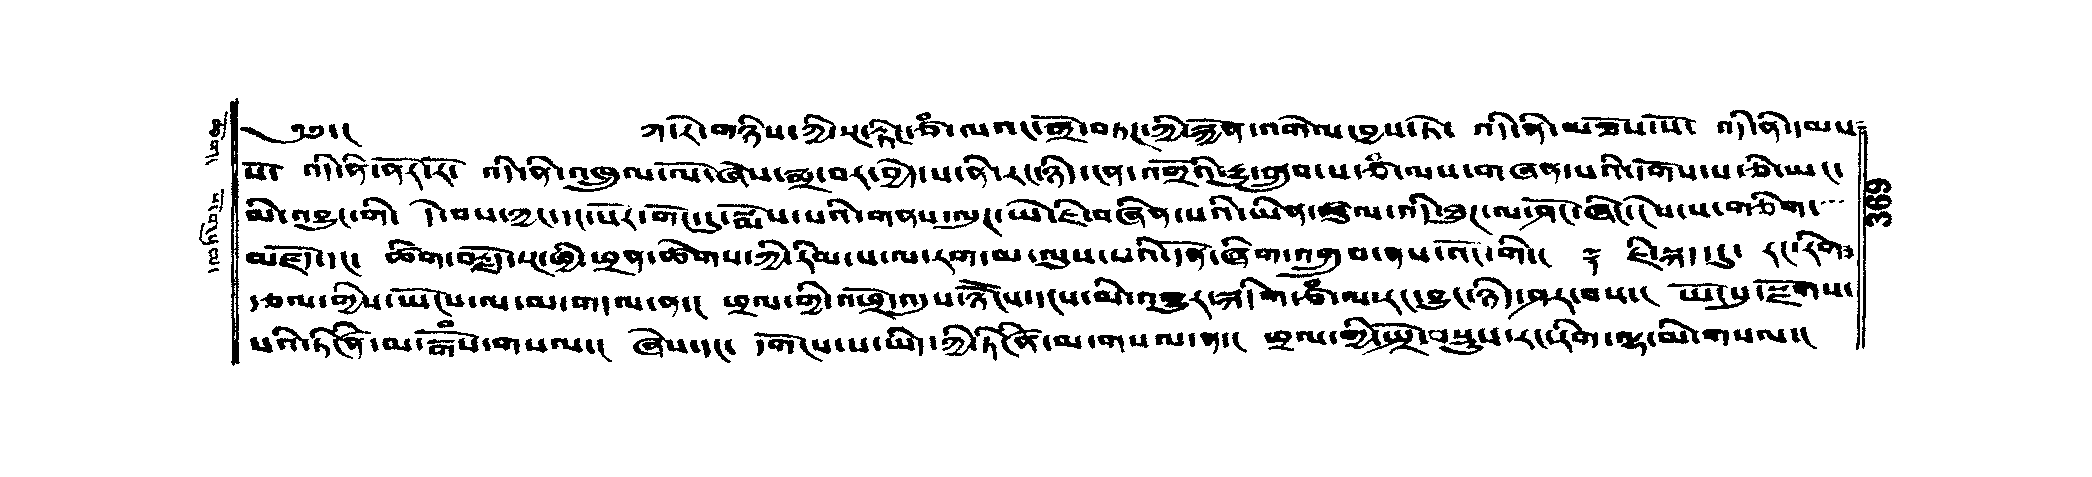ཀ་རེ་གཉིས་ཀྱི་སྔ་རྟིང་ཙམ་ལའང་སྒྲོ་བཏགས་ཀྱི་སྐྱོན་འགེལ་བྱས་ཏེ། འདི་ནི་མཐོས་སོ། འདི་ནི་དམས་
སོ། འདི་ནི་ནོར་རོ། འདི་ནི་འཁྲུལ་ལོ་ཞེས་སྨྲ་བར་བྱེད་པ་ནི་རང་ཉིད་ངན་འགྲོའི་རྒྱུ་སྒྲུབ་པ་ཙམ་ལས་གཞན་པའི་དགོས་པ་ཅི་ཡང་
མི་འབྱུང་གི་དེ་བས་ཀྱང་དང་པོར་གོང་དུ་སྨོས་པའི་གནས་ལུགས་ཡེ་ཇི་བཞིན་པའི་ཡིན་ཚུལ་འདིུ་ཐུགས་ལ་ཤོང་ཤིང་ངེས་པ་གཅིག་
མཛོད་དང་། ཚིག་བརྗོད་སྔ་ཕྱི་ཕྲན་ཚེགས་ཀྱི་རིམ་པ་ལ་རག་མ་ལུས་པའི་དོན་ཞིག་འགྲུབ་ནས་འོང་གི་ ༈ ཇི་སྐད་དུ། རང་རིག་
རྩལ་གྱིས་ཡོངས་ལ་མ་གདལ་ན། །ཕྲལ་གྱི་འཕྲོ་འདུས་ཉོན་མོངས་དངས་མི་འགྱུར་སྐད་ཅིག་ཙམ་ལ་རང་བྱུང་ཉིད་ཤར་བས། ཡོངས་སུ་རྫོགས་
པའི་ཏིང་འཛིན་མ་བསྒོམ་གསལ། །ཞེས་དང་། དགོངས་པ་ཡིད་ཀྱི་ཏིང་འཛིན་མ་གསལ་ན། །ཕྲལ་གྱི་སྤྲོ་བསྡུས་རང་རིག་ལྷ་མི་གསལ། །